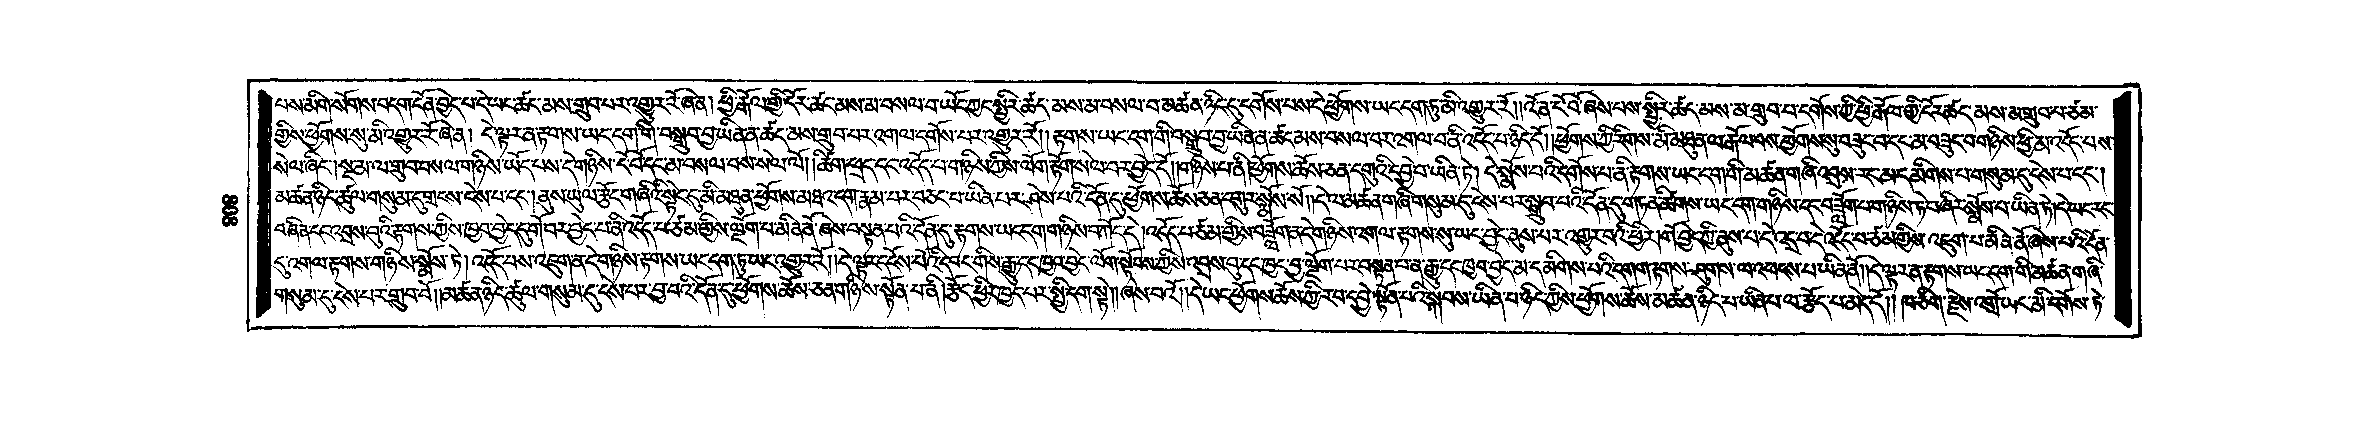པས་མིག་སོགས་བདག་དོན་བྱེད་པ་དེ་ཡང་ཚད་མས་གྲུབ་པར་འགྱུར་རོ་ཞེ་ན། ཕྱི་རྒོལ་གྱི་ངོར་ཚད་མས་མ་བསལ་བ་ཡོད་ཀྱང་སྤྱིར་ཚད་མས་མ་བསལ་བ་མཚན་ཉིད་དུ་དགོས་པས་དེ་ཕྱོགས་ཡང་དག་ཏུ་མི་འགྱུར་རོ། །འོ་ན་ངོ་བོ་ཞེས་པས་སྤྱིར་ཚད་མས་མ་གྲུབ་པ་དགོས་ཀྱི་ཕྱི་རྒོལ་གྱི་ངོར་ཚད་མས་མ་གྲུབ་པ་ཙམ་
གྱིས་ཕྱོགས་སུ་མི་འགྱུར་རོ་ཞེ་ན། དེ་ལྟར་ན་རྟགས་ཡང་དག་གི་བསྒྲུབ་བྱ་ཡིན་ན་ཚད་མས་གྲུབ་པར་འགལ་དགོས་པར་འགྱུར་རོ། །རྟགས་ཡང་དག་གི་བསྒྲུབ་བྱ་ཡིན་ན་ཚད་མས་བསལ་བར་འགལ་བ་ནི་འདོད་པ་ཉིད་དོ། །ཕྱོགས་ཀྱི་རིགས་མི་མཐུན་ལ་རྒོལ་བས་ཕྱོགས་སུ་བཟུང་བ་དང་མ་བཟུང་བ་གཉིས་ཕྱི་མ་འདོད་པས་
སེལ་ཞིང་། སྔ་མ་ལ་གྲུབ་བསལ་གཉིས་ཡོད་པས་དེ་གཉིས་ངོ་བོ་དང་མ་བསལ་བས་སེལ་ལོ། །ཚིག་ཕྲད་དང་འདོད་པ་གཉིས་ཀྱིས་ལོག་རྟོག་སེལ་བར་བྱེད་དོ། །གཉིས་པ་ནི། ཕྱོགས་ཆོས་ཅན་དགུའི་དབྱེ་བ་ཡིན་ཏེ། དེ་སྨོས་པའི་དགོས་པ་ནི་རྟགས་ཡང་དག་གི་མཚན་གཞི་འབྲས་རང་མ་དམིགས་པ་གསུམ་དུ་ངེས་པ་དང་།
མཚན་ཉིད་ཚུལ་གསུམ་དུ་གྲངས་ངེས་པ་དང་། ནུས་ཡུལ་རྩོད་གཞིའི་སྟེང་དུ་མི་མཐུན་ཕྱོགས་མཐའ་དག་རྣམ་པར་བཅད་པ་ཡིན་པར་ཤེས་པའི་དོན་དུ་ཕྱོགས་ཆོས་ཅན་དགུར་སྨོས་སོ། །དེ་ལ་མཚན་གཞི་གསུམ་དུ་ངེས་པར་སྒྲུབ་པའི་དོན་དུ་གཏན་ཚིགས་ཡང་དག་གཉིས་དང་བཟློག་པ་གཉིས་ཏེ་བཞིར་སྨོས་པ་ཡིན་ཏེ། དེ་ཡང་རང་
བཞིན་དང་འབྲས་བུའི་རྟགས་ཀྱིས་ཁྱབ་བྱེད་དུ་གོ་བར་བྱེད་པ་ནི་འདོད་པ་ཙམ་གྱིས་ལྡོག་པ་མིན་ནོ་ཞེས་བསྟན་པའི་དོན་དུ་རྟགས་ཡང་དག་གཉིས་བཀོད་དེ། འདོད་པ་ཙམ་གྱིས་བཟློག་ན་དེ་གཉིས་འགལ་རྟགས་སུ་ཡང་བྱེད་ནུས་པར་འགྱུར་བའི་ཕྱིར། གོ་བྱེད་ཀྱི་ནུས་པ་དེ་འདྲ་བ་དེ་འདོད་པ་ཙམ་གྱིས་འཇུག་པ་མིན་ནོ་ཞེས་པའི་དོན་
དུ་འགལ་རྟགས་གཉིས་སྨོས་ཏེ། འདོད་པས་འཇུག་ན་དེ་གཉིས་རྟགས་ཡང་དག་ཏུ་ཡང་འགྱུར་རོ། །དེ་ལྟར་དངོས་པོའི་དབང་གིས་རྒྱུ་དང་ཁྱབ་བྱེད་ལོག་སྟོབས་ཀྱིས་འབྲས་བུ་དང་ཁྱད་བྱ་ལྡོག་པར་བསྟན་པ་ན་རྒྱུ་དང་ཁྱབ་བྱེད་མ་དམིགས་པའི་དགག་རྟགས་ཤུགས་ལ་འཕངས་པ་ཡིན་ནོ། །དེ་ལྟར་ན་རྟགས་ཡང་དག་གི་མཚན་གཞི་
གསུམ་དུ་ངེས་པར་གྲུབ་བོ། །མཚན་ཉིད་ཚུལ་གསུམ་དུ་ངེས་པར་བྱ་བའི་དོན་དུ་ཕྱོགས་ཆོས་ཅན་གཉིས་སྟོན་པ་ནི། རྩོད་ཕྱིར་ཁྱད་པར་སྤྱི་དག་སྟེ། །ཞེས་བའོ། །དེ་ཡང་ཕྱོགས་ཆོས་ཀྱི་རབ་དབྱེ་སྟོན་པའི་སྐབས་ཡིན་པ་ཉིད་ཀྱིས་ཕྱོགས་ཆོས་མཚན་ཉིད་པ་ཡིན་པ་ལ་རྩོད་པ་མེད་དོ། །ཁ་ཅིག་རྗེས་འགྲོ་ཡང་མི་དགོས་ཏེ་